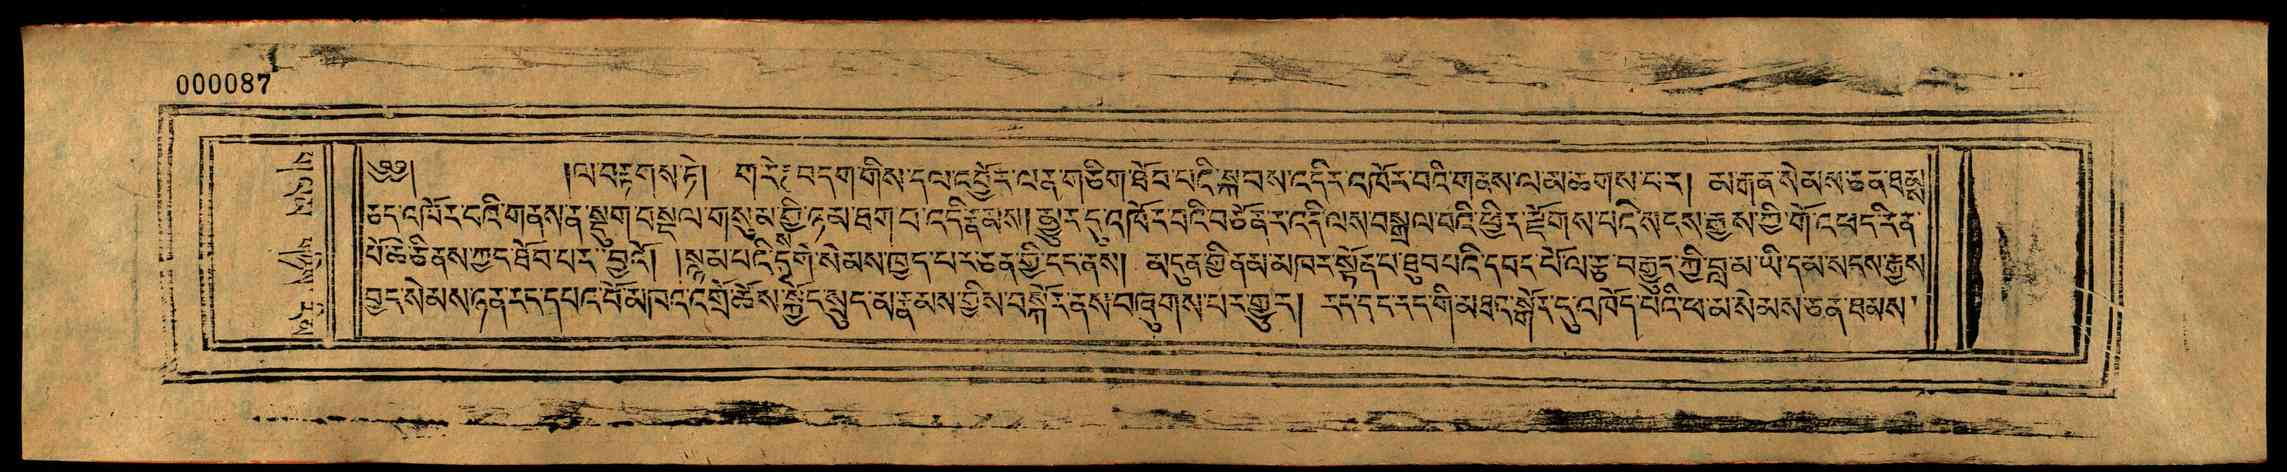༄༅། །ལ་བརྟགས་ཏེ། ག་རེ། བདག་གིས་དལ་འབྱོར་ལན་གཅིག་ཐོབ་པའི་སྐབས་འདིར་འཁོར་བའི་གནས་ལ་མ་ཆགས་པར། མ་རྒན་སེམས་ཅན་ཐམས་
ཅད་འཁོར་བའི་གནས་ན་སྡུག་བསྔལ་གསུམ་གྱིས་ཉམ་ཐག་པ་འདི་རྣམས། མྱུར་དུ་འཁོར་བའི་བཙོན་ར་འདི་ལས་བསྒྲལ་བའི་ཕྱིར་རྫོགས་པའི་སངས་རྒྱས་ཀྱི་གོ་འཕང་རིན་
པོ་ཆེ་ཅི་ནས་ཀྱང་ཐོབ་པར་བྱའོ། །སྙམ་པའི་དགེ་སེམས་ཁྱད་པར་ཅན་གྱི་ངང་ནས། མདུན་གྱི་ནམ་མཁར་སྟོན་པ་ཐུབ་པའི་དབང་པོ་ལ་རྩ་བརྒྱུད་ཀྱི་བླ་མ་ཡི་དམ་སངས་རྒྱས་
བྱང་སེམས་ཉན་རང་དཔའ་བོ་མཁའ་འགྲོ་ཆོས་སྐྱོང་སྲུང་མ་རྣམས་ཀྱིས་བསྐོར་ནས་བཞུགས་པར་གྱུར། རང་དང་རང་གི་མཐའ་སྐོར་དུ་འཁོད་པའི་ཕ་མ་སེམས་ཅན་ཐམས་